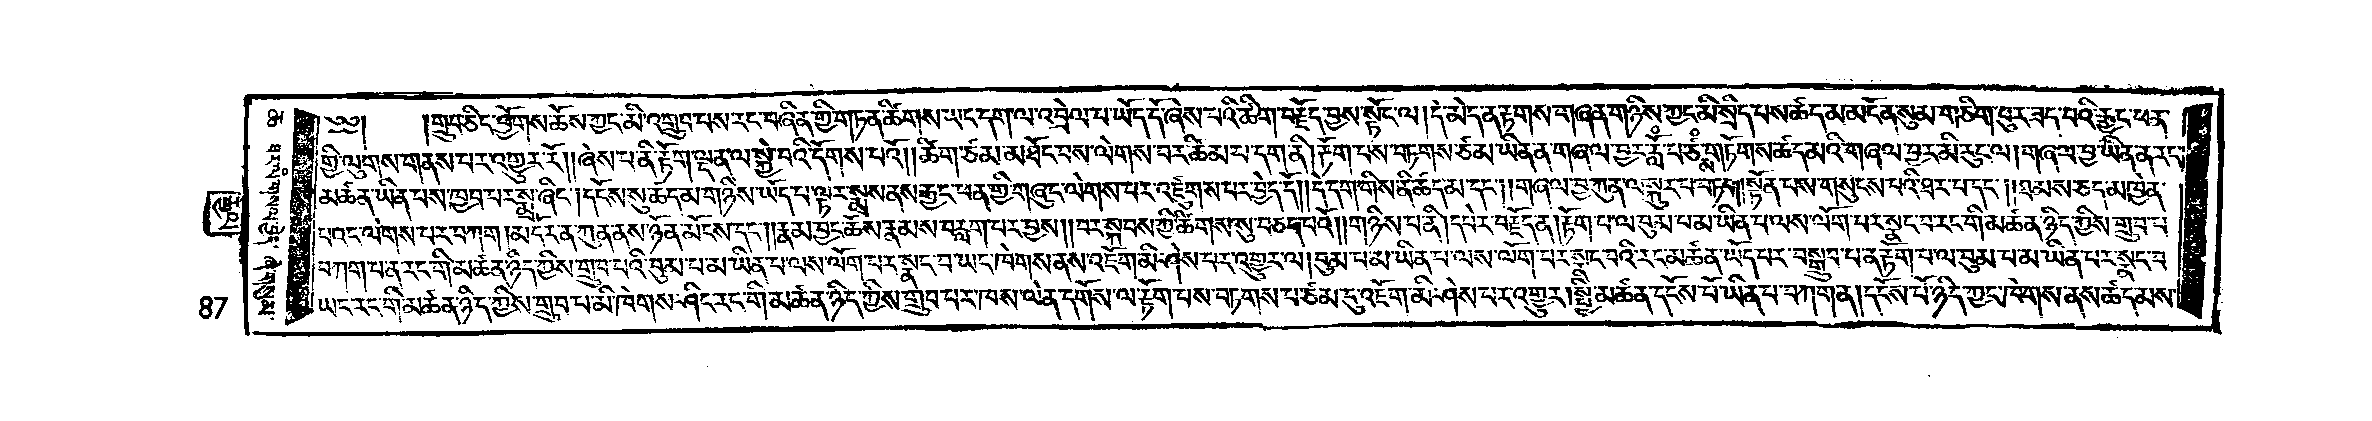༄༅། །གྲུབ་ཅིང་ཕྱོགས་ཆོས་ཀྱང་མི་འགྲུབ་པས་རང་བཞིན་གྱི་གཏན་ཚིགས་ཡང་དག་ལ་འབྲེལ་བ་ཡོད་དོ་ཞེས་པའི་ཚིག་བརྗོད་བྱས་སྟོང་ལ། དེ་མེད་ན་རྟགས་གཞན་གཉིས་ཀྱང་མི་སྲིད་པས་ཚད་མ་མངོན་སུམ་གཅིག་པུར་ཟད་པའི་རྒྱང་ཕན་
གྱི་ལུགས་གནས་པར་འགྱུར་རོ། །ཞེས་པ་ནི་རྟོག་ལྡན་ལ་སྐྱེ་བའི་དོགས་པའོ། །ཚིག་ཙམ་མཐོང་བས་ལེགས་པར་ཚིམ་པ་དག་ནི། རྟོག་པས་བཏགས་ཙམ་ཡིན་ན་གཞལ་བྱར་རློཾ་པ་ཙཾ་མ་གཏོགས་ཚད་མའི་གཞལ་བྱར་མི་རུང་ལ། གཞལ་བྱ་ཡིན་ན་རང་
མཚན་ཡིན་པས་ཁྱབ་པར་སྨྲ་ཞིང་། དངོས་སུ་ཚད་མ་གཉིས་ཡོད་པ་ལྟར་སྨྲས་ནས་རྒྱང་ཕན་གྱི་གཞུང་ལེགས་པར་འཛུགས་པར་བྱེད་དོ། །དེ་དག་གིས་ནི་ཚད་མ་དང་། །གཞལ་བྱ་ཀུན་ལ་སྐུར་པ་བཏབ། །སྟོན་པས་གསུངས་པའི་ཐར་པ་དང་། །ཐམས་ཅད་མཁྱེན་
པའང་ལེགས་པར་བཀག །མདོར་ན་ཀུན་ནས་ཉོན་མོངས་དང་། །རྣམ་བྱང་ཆོས་རྣམས་བརླག་པར་བྱས། །བར་སྐབས་ཀྱི་ཚིགས་སུ་བཅད་པའོ། །གཉིས་པ་ནི། དཔེར་བརྗོད་ན། རྟོག་པ་ལ་བུམ་པ་མ་ཡིན་པ་ལས་ལོག་པར་སྣང་བ་རང་གི་མཚན་ཉིད་ཀྱིས་གྲུབ་པ་
བཀག་པ་ན་རང་གི་མཚན་ཉིད་ཀྱིས་གྲུབ་པའི་བུམ་པ་མ་ཡིན་པ་ལས་ལོག་པར་སྣང་བ་ཡང་ཁེགས་ནས་འཇོག་མི་ཤེས་པར་འགྱུར་ལ། བུམ་པ་མ་ཡིན་པ་ལས་ལོག་པར་སྣང་བའི་རང་མཚན་ཡོད་པར་བསྒྲུབ་པ་ན་རྟོག་པ་ལ་བུམ་པ་མ་ཡིན་པར་སྣང་བ་
ཡང་རང་གི་མཚན་ཉིད་ཀྱིས་གྲུབ་པ་མི་ཁེགས་ཤིང་རང་གི་མཚན་ཉིད་ཀྱིས་གྲུབ་པར་ཁས་ལེན་དགོས་ལ་རྟོག་པས་བཏགས་པ་ཙམ་དུ་འཇོག་མི་ཤེས་པར་འགྱུར། སྤྱི་མཚན་དངོས་པོ་ཡིན་པ་བཀག་ན། དངོས་པོ་ཉིད་ཀྱང་ཁེགས་ནས་ཚད་མས་